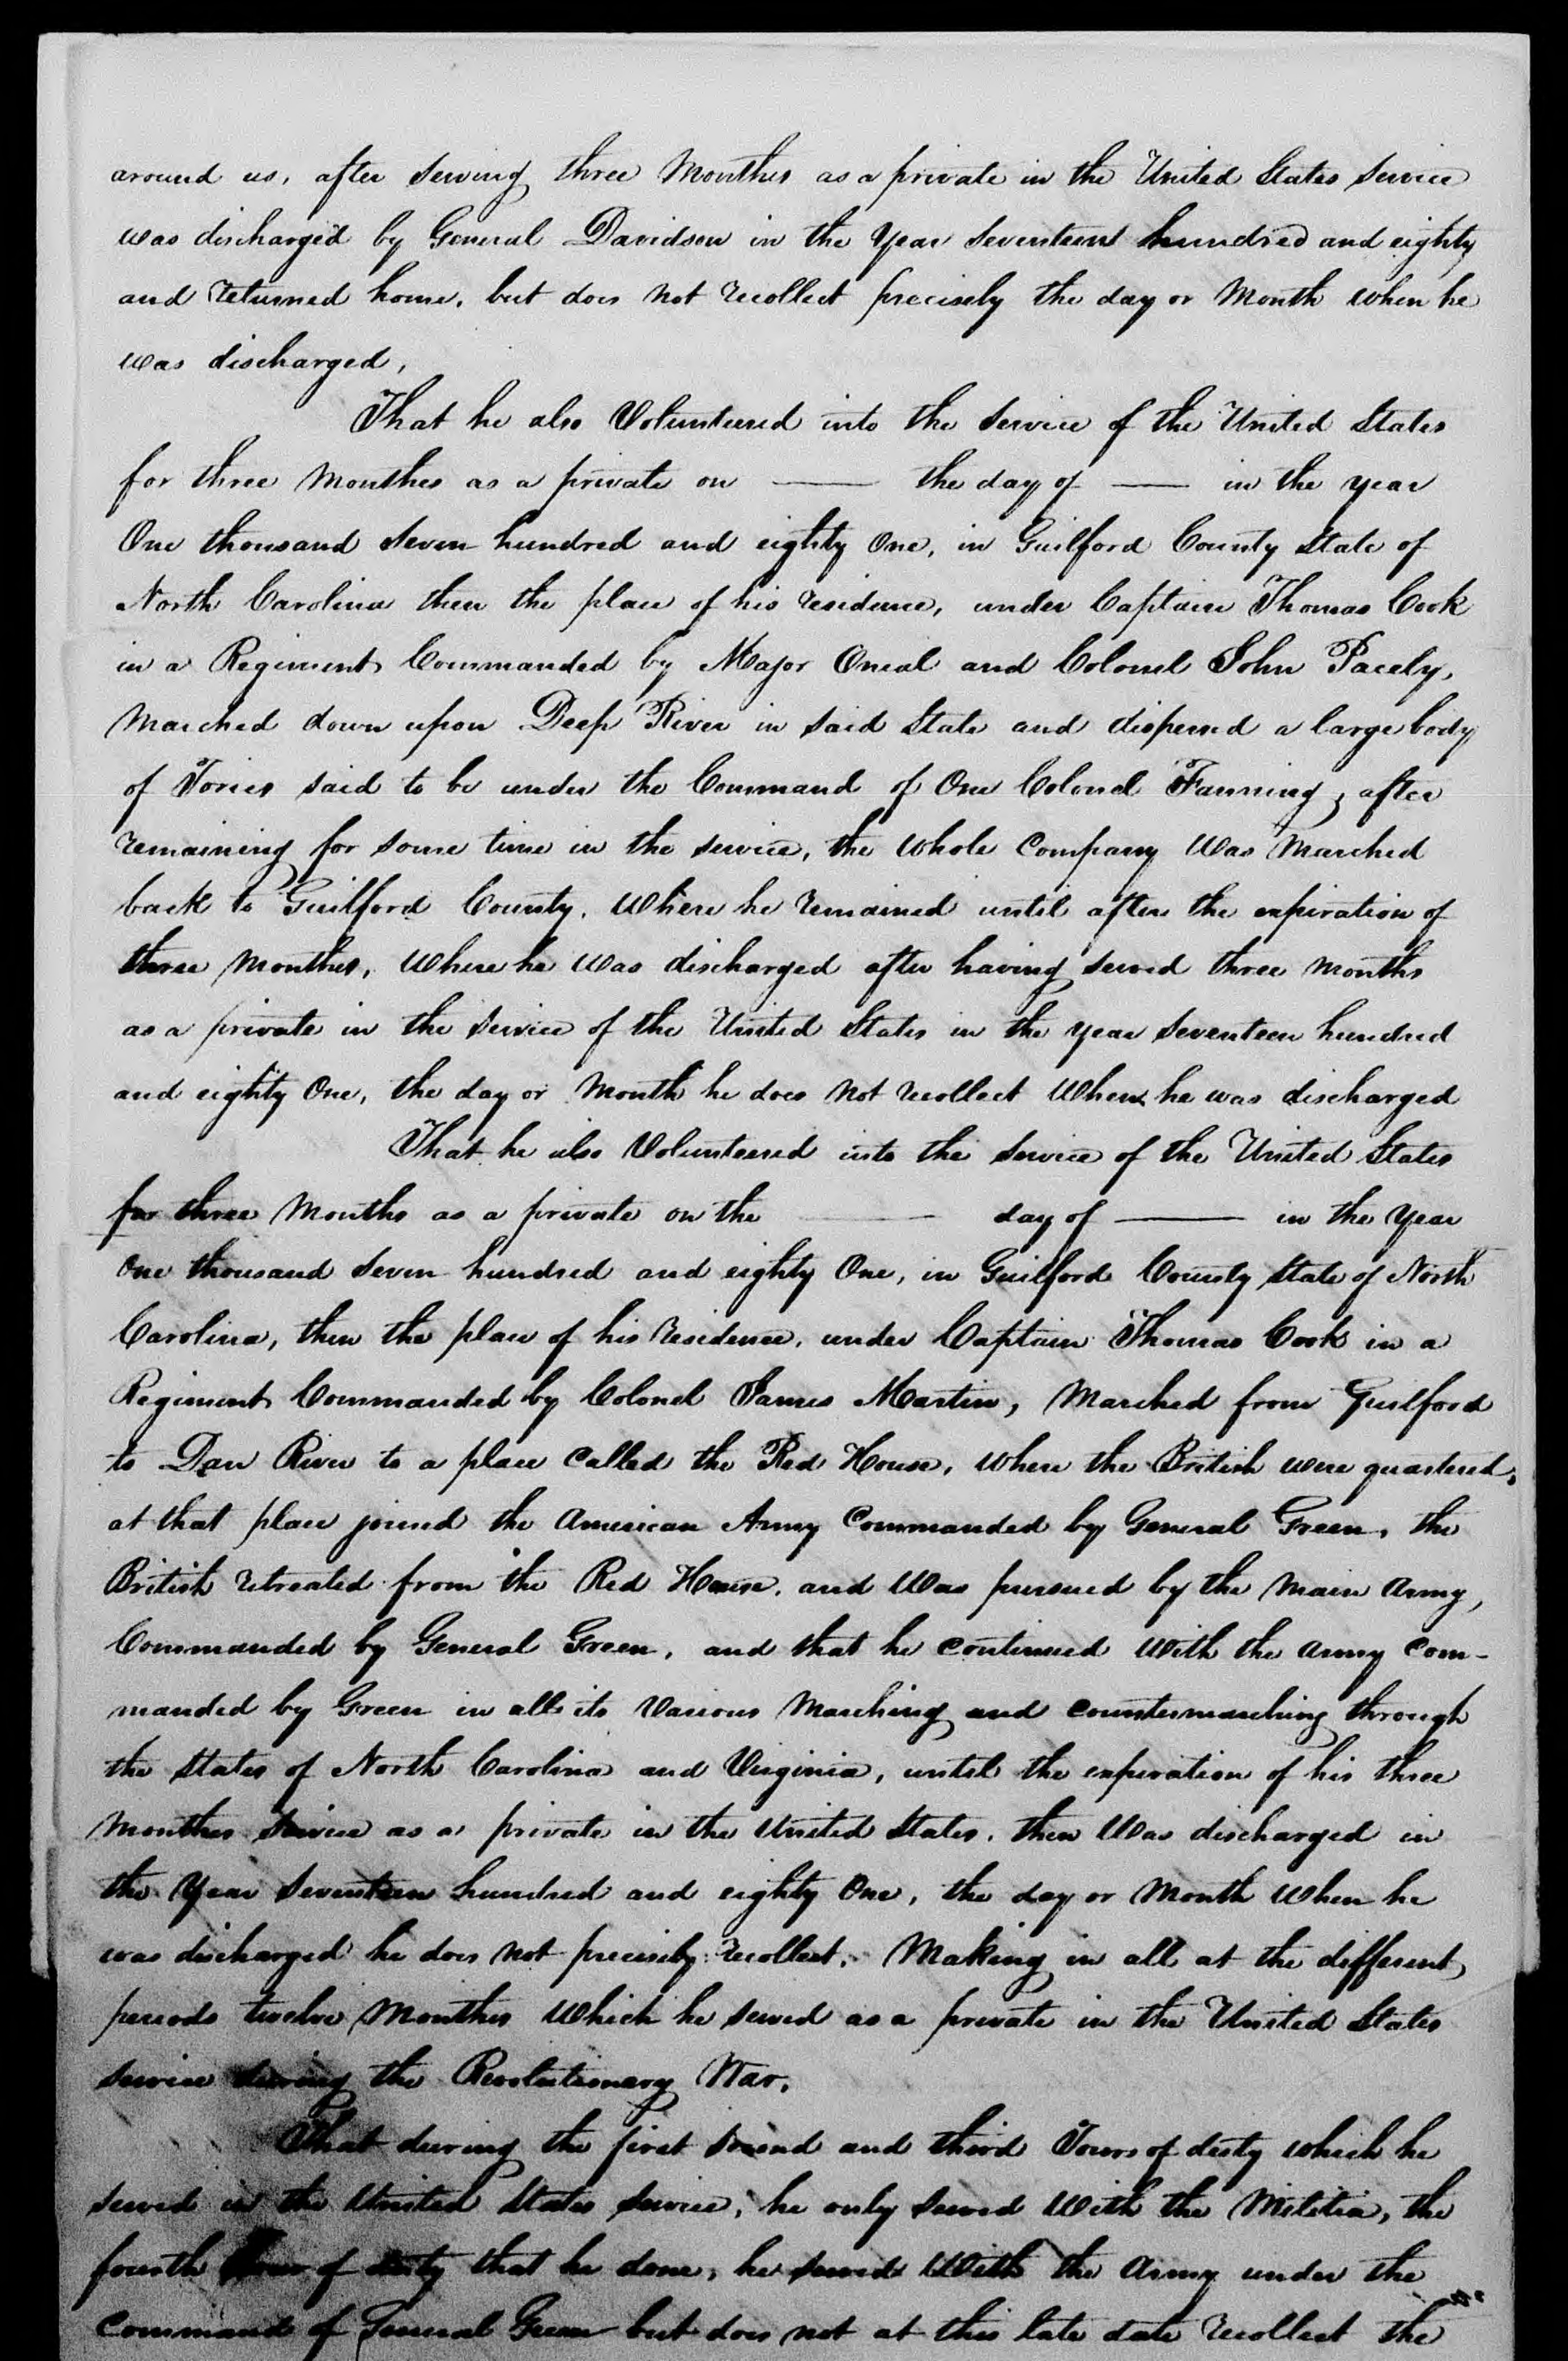around us, after Serving three months as a private in the United States Service was discharged by General Davidson in the year Seventeen hundred and eighty and returned home, but does not recollect precisely the day or month when he was discharged.
   That he also Volunteered into the Service of the United Stated for three months as a private on ___ the day of ___ in the year One thousand Seven hundred and eighty one, in Guilford County State of North Carolina then the place of his residence, under Captain Thomas Cook in a Regiment Commanded by Major Oneal and Colonel John Pacely, marched down upon Deep River in said State and dispersed a large body of Tories said to be under the Command of One Colonel Fanning, after remaining for some time in the service, the whole company was marched back to Guilford County, where he remained until after the expiration of three months, where he was discharged after having served three months as a private in the Service of the United States in the year Seventeen hundred and eighty one, the day or month he does not recollect when he was discharged
   That he also Volunteered into the Service of the United States for three months as a private on the ___ day of ___ in the year one thousand Seven hundred and eighty one, in Guildord County State of North Carolina, then the place of his residence, under Captain Thomas Cook in a Regiment Commanded by Colonel James Martin, marched from Guilford to Dan River to a place called the Red House, where the British were quartered, at that place joined the American Army Commanded by General Green, the British retreated from the Red House, and was pursued by the main Army, Commanded by General Green, and that he continued with the army commanded by Green in all its various marching and countermarching through the States of North Carolina and Virginia, with the expiration of his three months Service as a private in the United States, then was discharged in the Year Seventeen hundred and eighty one, the day or month when he was discharged he does not precisely recollect. Making in all at the different periods twelve months which he served as a private in the United States service during the Revolutionary War.
   That during the first period and third Tours of duty which he served in the United States Service, he only served with the Militia, the fourth Tour of duty that he done, he served with the Army under the Command of General Green but does not at this late date recollect the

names: Green, Green, Green, Fanning, Thomas Cook, Green, James Martin, Oneal, Thomas Cook, John Pacely, Davidson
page: 16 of 18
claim: survivor's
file: S. 16,343, John Cook, N.C.